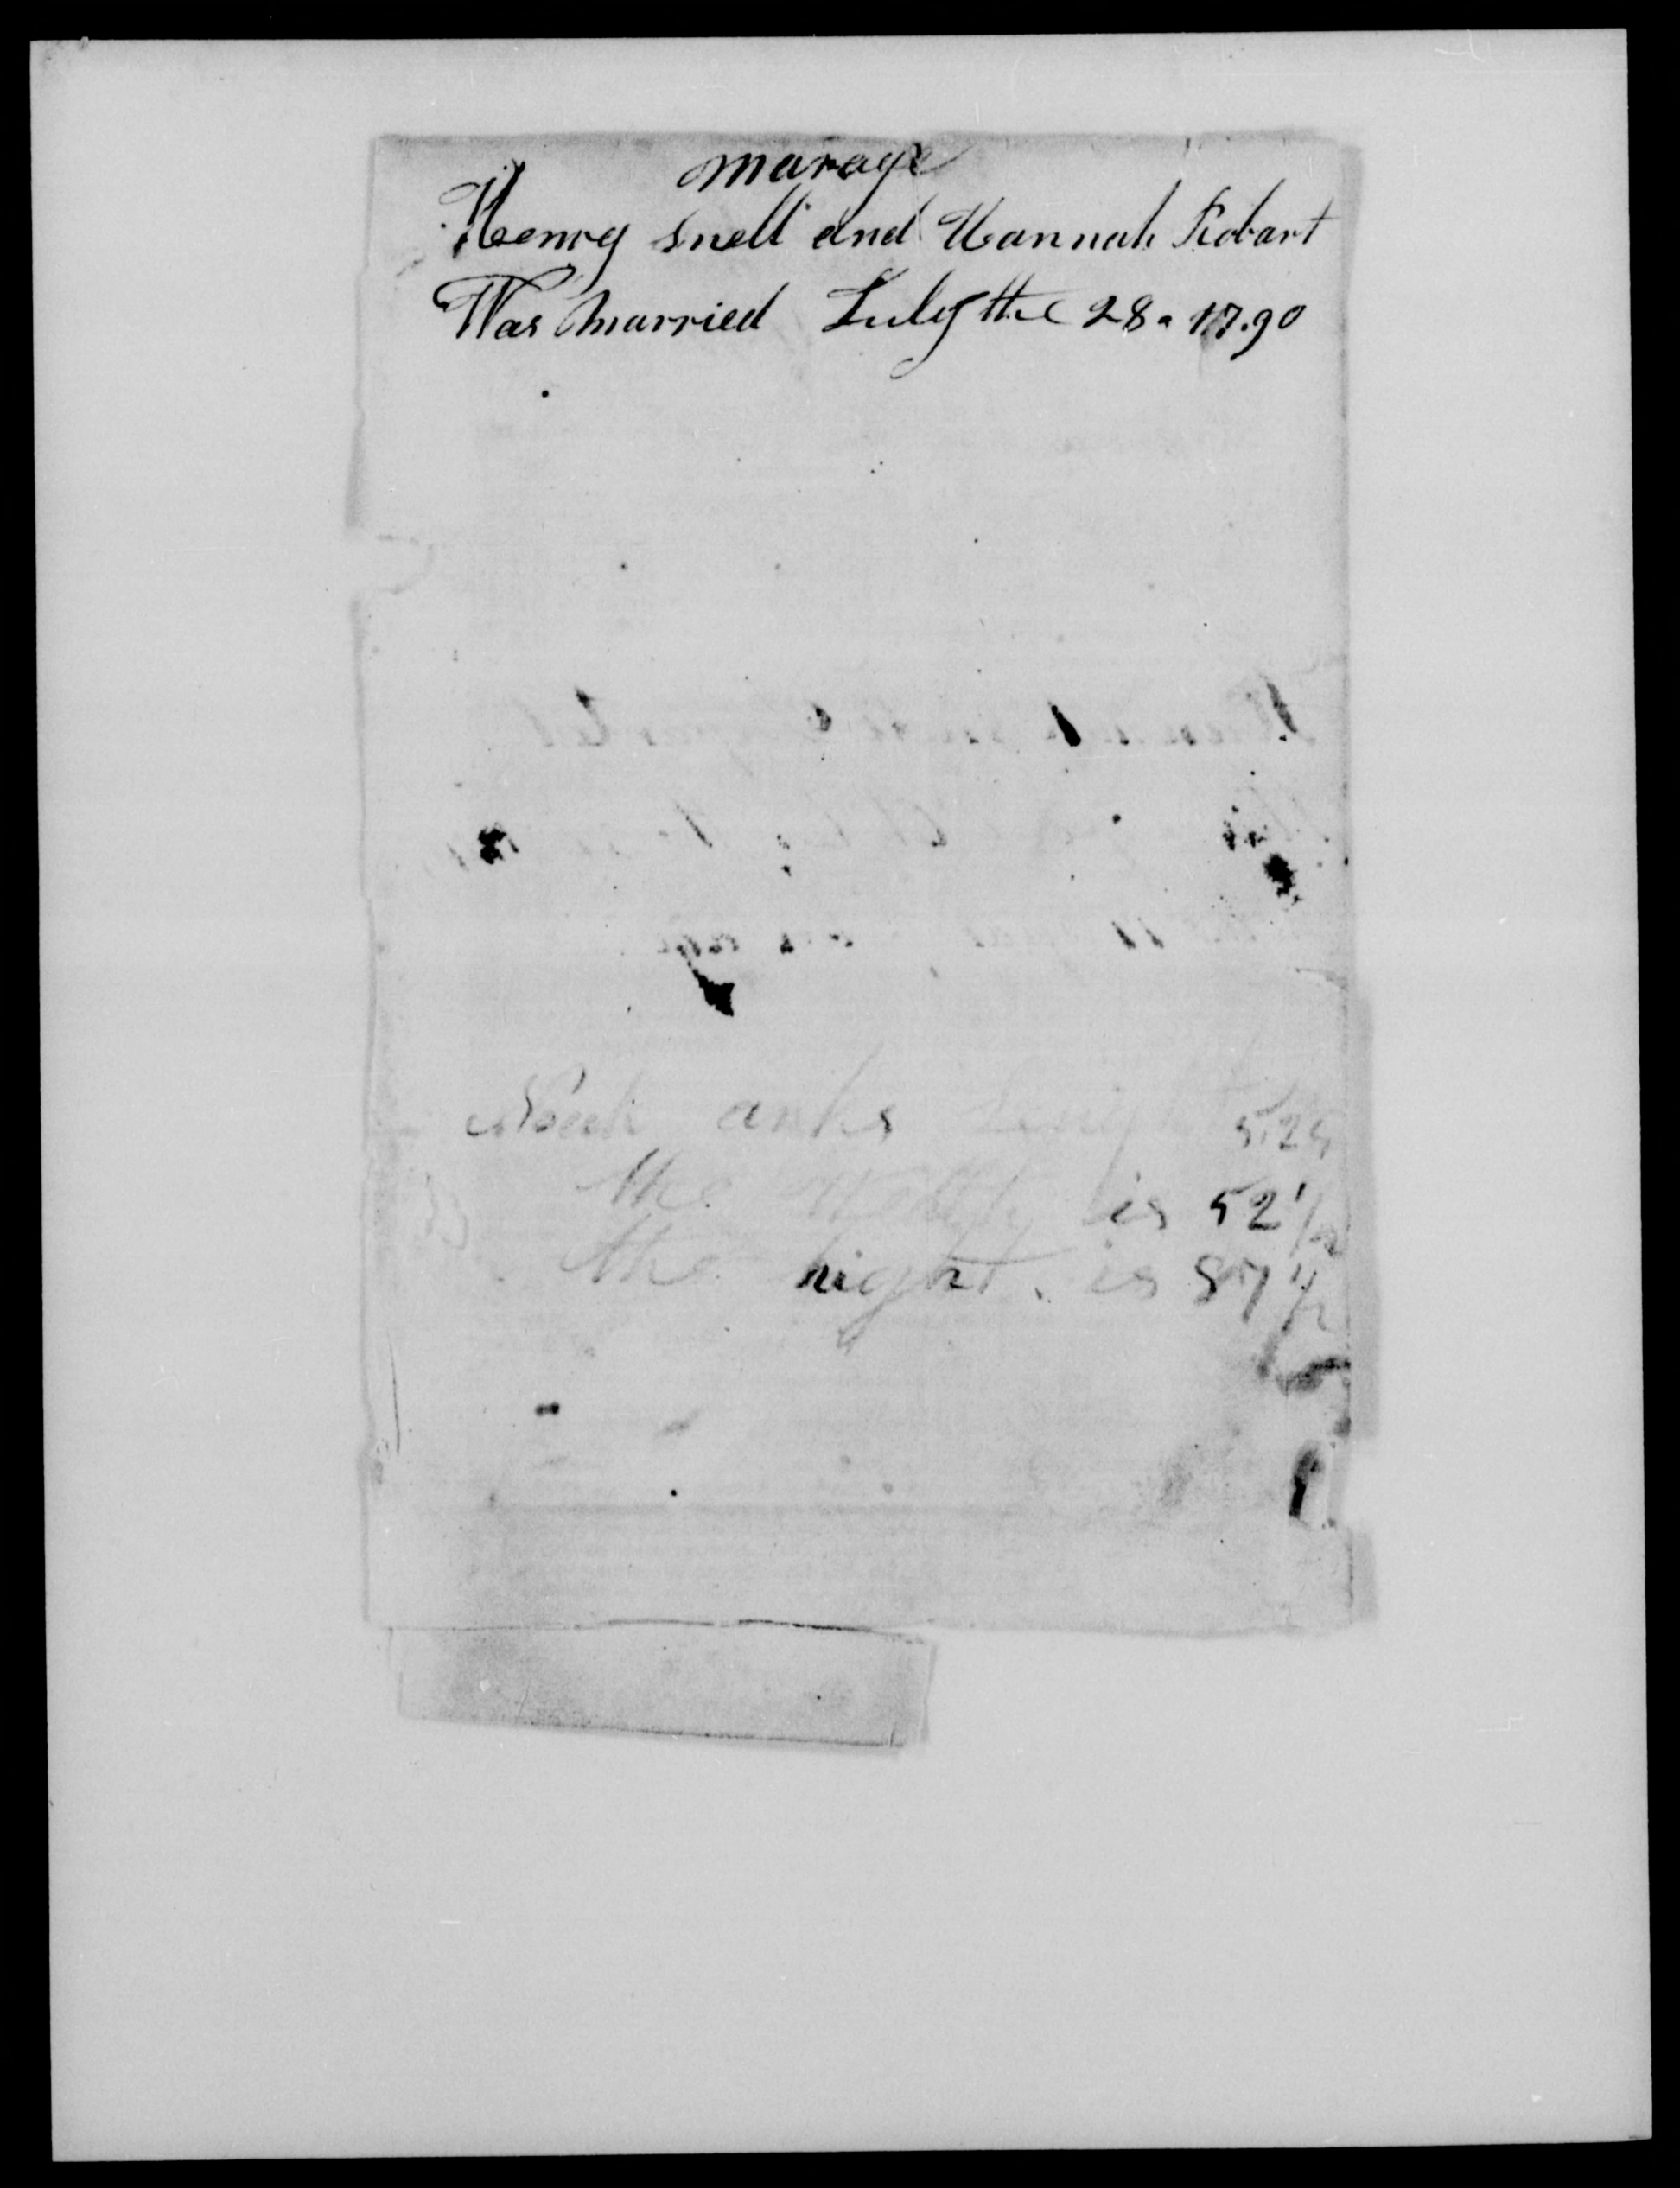Marage
Henry Snell and Hannah Robart
was married July the 28, 1790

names: Hannah Robart; Henry Snell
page: 19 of 27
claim: rejected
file: R. 9,892, for Henry Snell, New Jersey